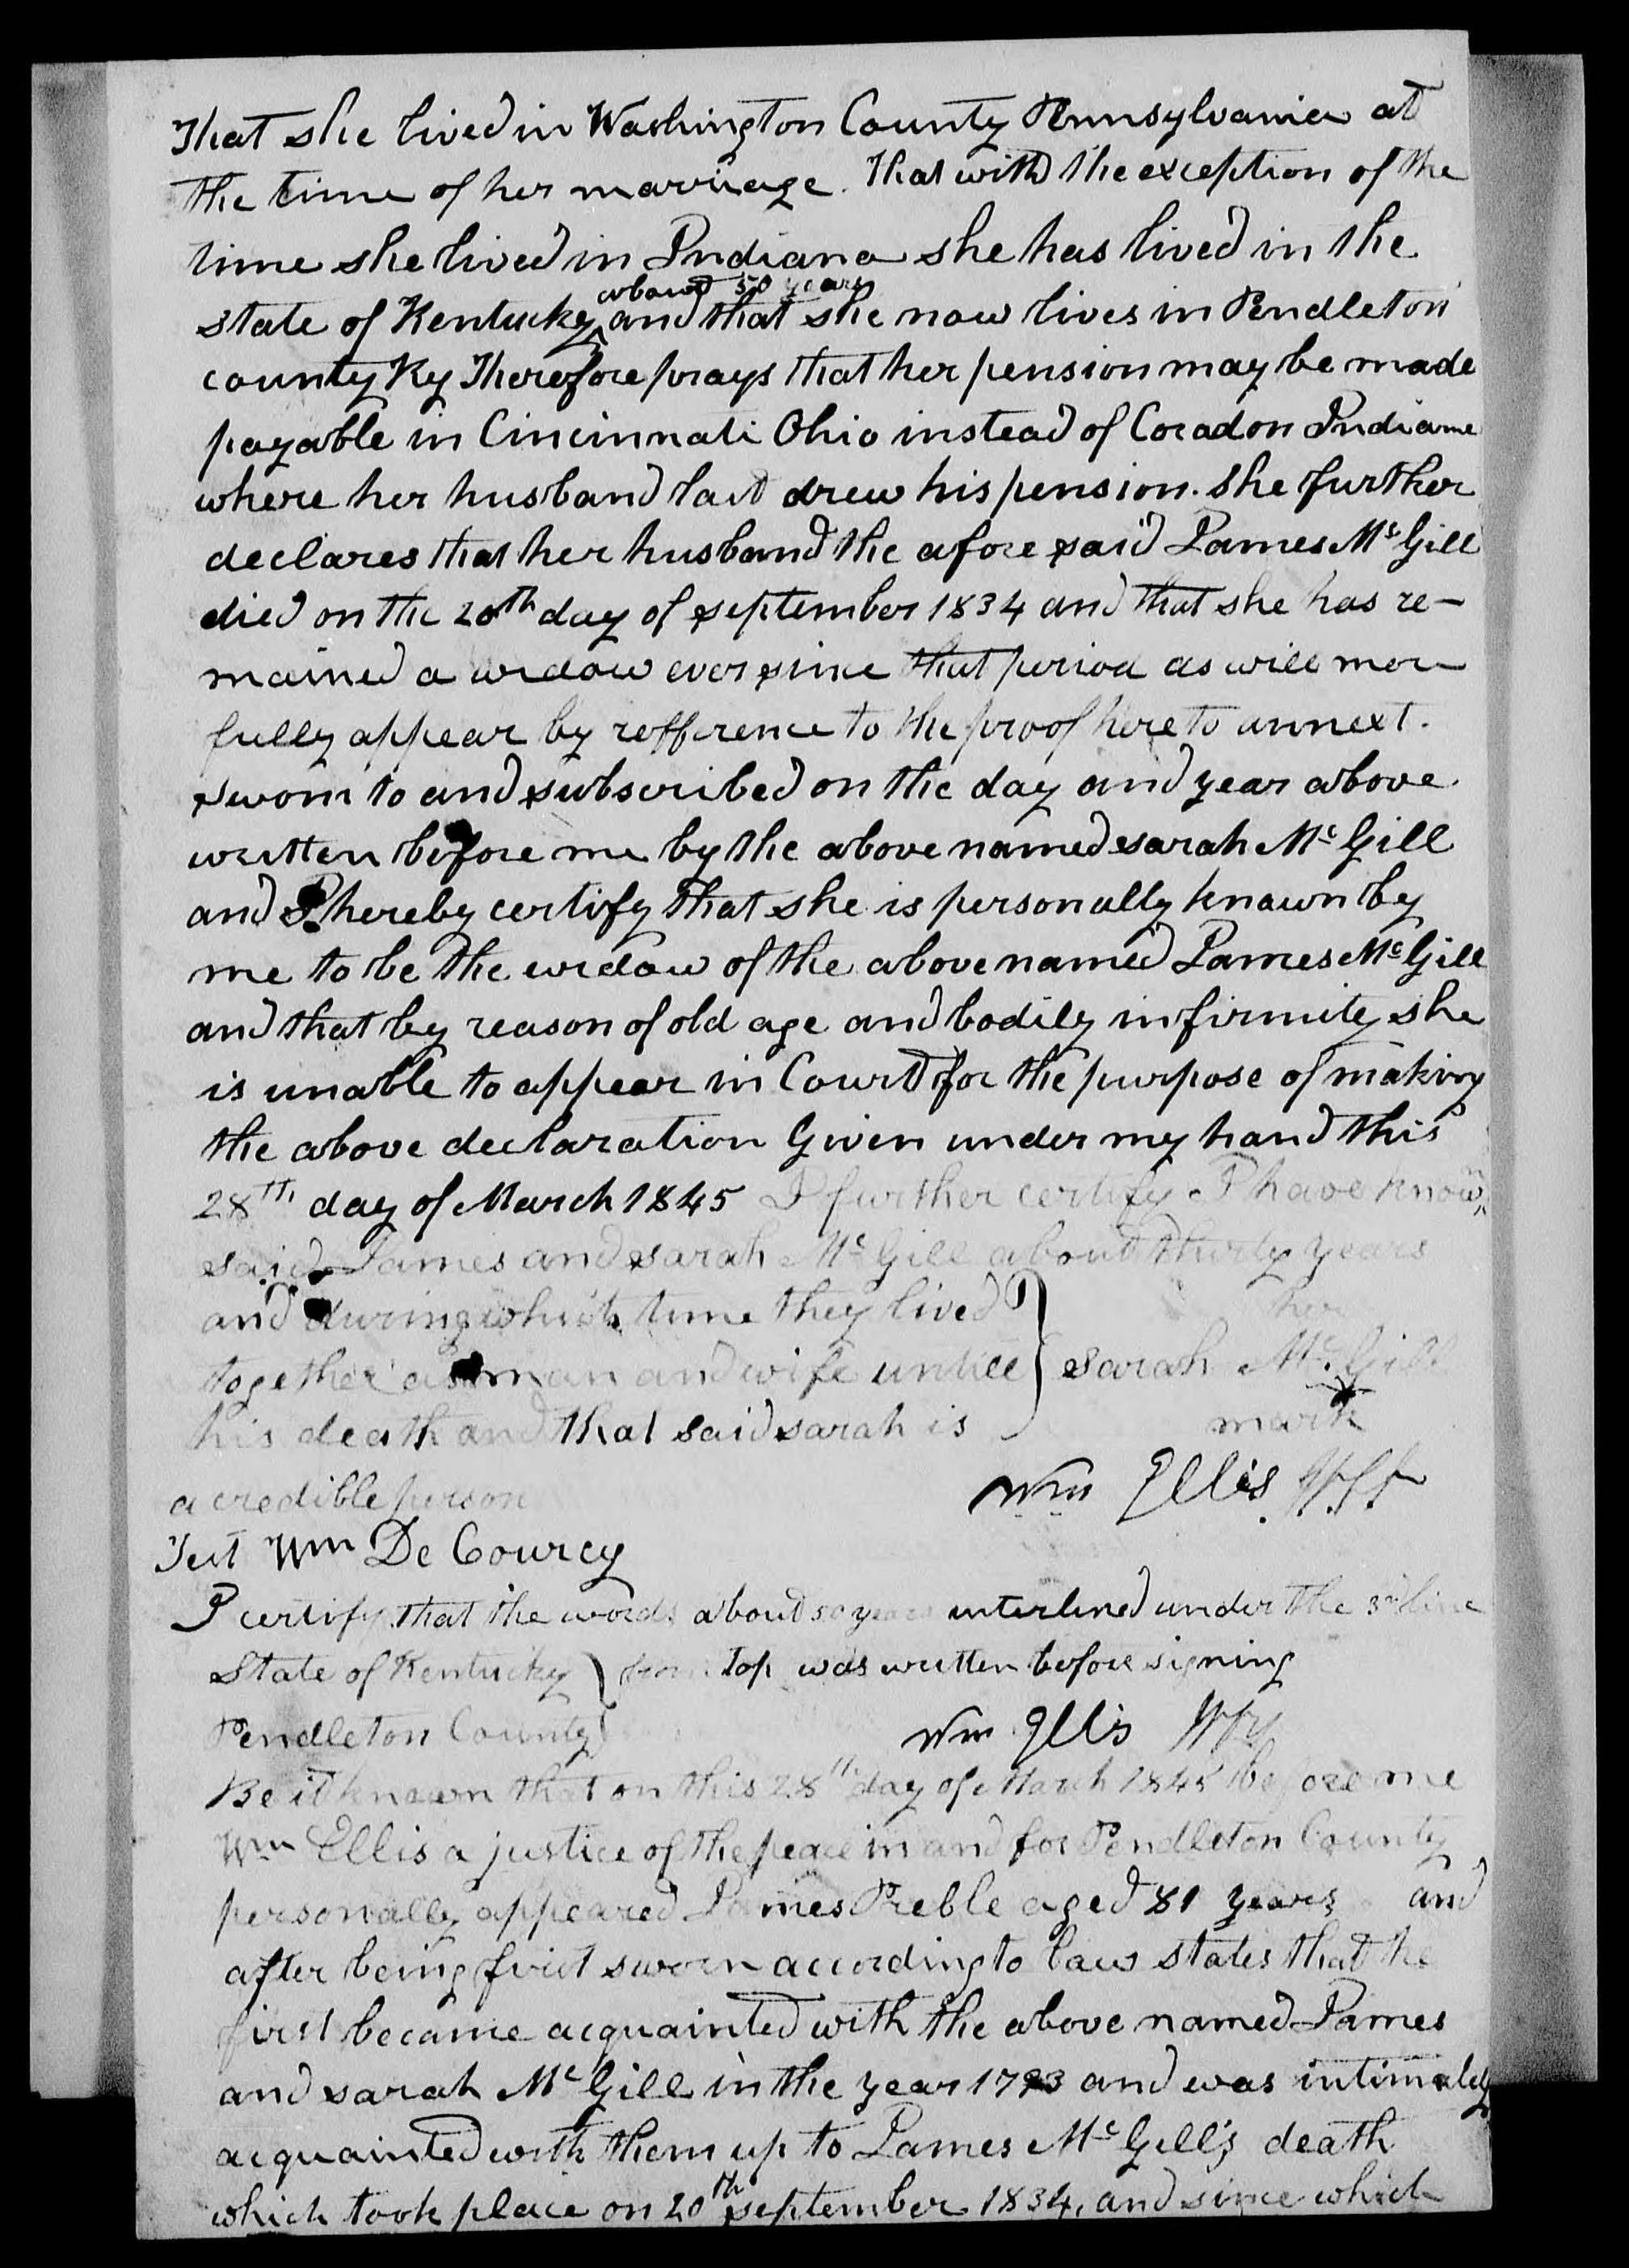Image 100		4160873_00100               Fold3 File #23857266	
[continued from image 99]

That she lived in Washington County Pennsylvania at the time of her marriage. That with the exception of the time she lived in Indiana she has lived in the state of Kentucky [inserted: about 50 years] and that she now lives in Pendleton County Ky. Therefore prays that her pension may be made payable in Cincinnati Ohio instead of Coradon [Corydon] Indiana where her husband last drew his pension. She further declares that her husband the aforesaid James McGill died on the 20th day of september 1834 and that she has remained a widow ever since that period as will more fully appear by refference [reference] to the proof hereto annext [annexed]. Sworn to and subscribed on the day and year above written before me by the above named Sarah McGill and I hereby certify that she is personally known by me to be the widow of the above named James McGill and that by reason of old age and bodily infirmity she is unable to appear in court for the purpose of making the above declaration given under my hand this 28th day of Marh 1845. I further Certify I have known said James and Sarah McGill about thirty years and during which time they lived together as man and wife until his death and that sarah is a credible person.  Sarah McGill [her mark]
Wm Ellis    Attest Wm DeCourcy

I certify that the words about 50 years interlined under the 3d line from the top was written before signing  Wm Ellis GPPC   State of Kentucky Pendleton County

Be it known that on this 28th day of March 18th before Wm Ellis a justice of the peace in and for Pendleton County personally appeared James Preble aged 81 years and after being first sworn according to law states that he first became acquainted with the above named James and Sarah McGill in the year 1793 and was intimately acquainted with them up to James McGill's death which took place on 20th september 1834, and since which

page: 42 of 71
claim: widow's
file: W. 8428, for James Mc Gill, Pennsylvania